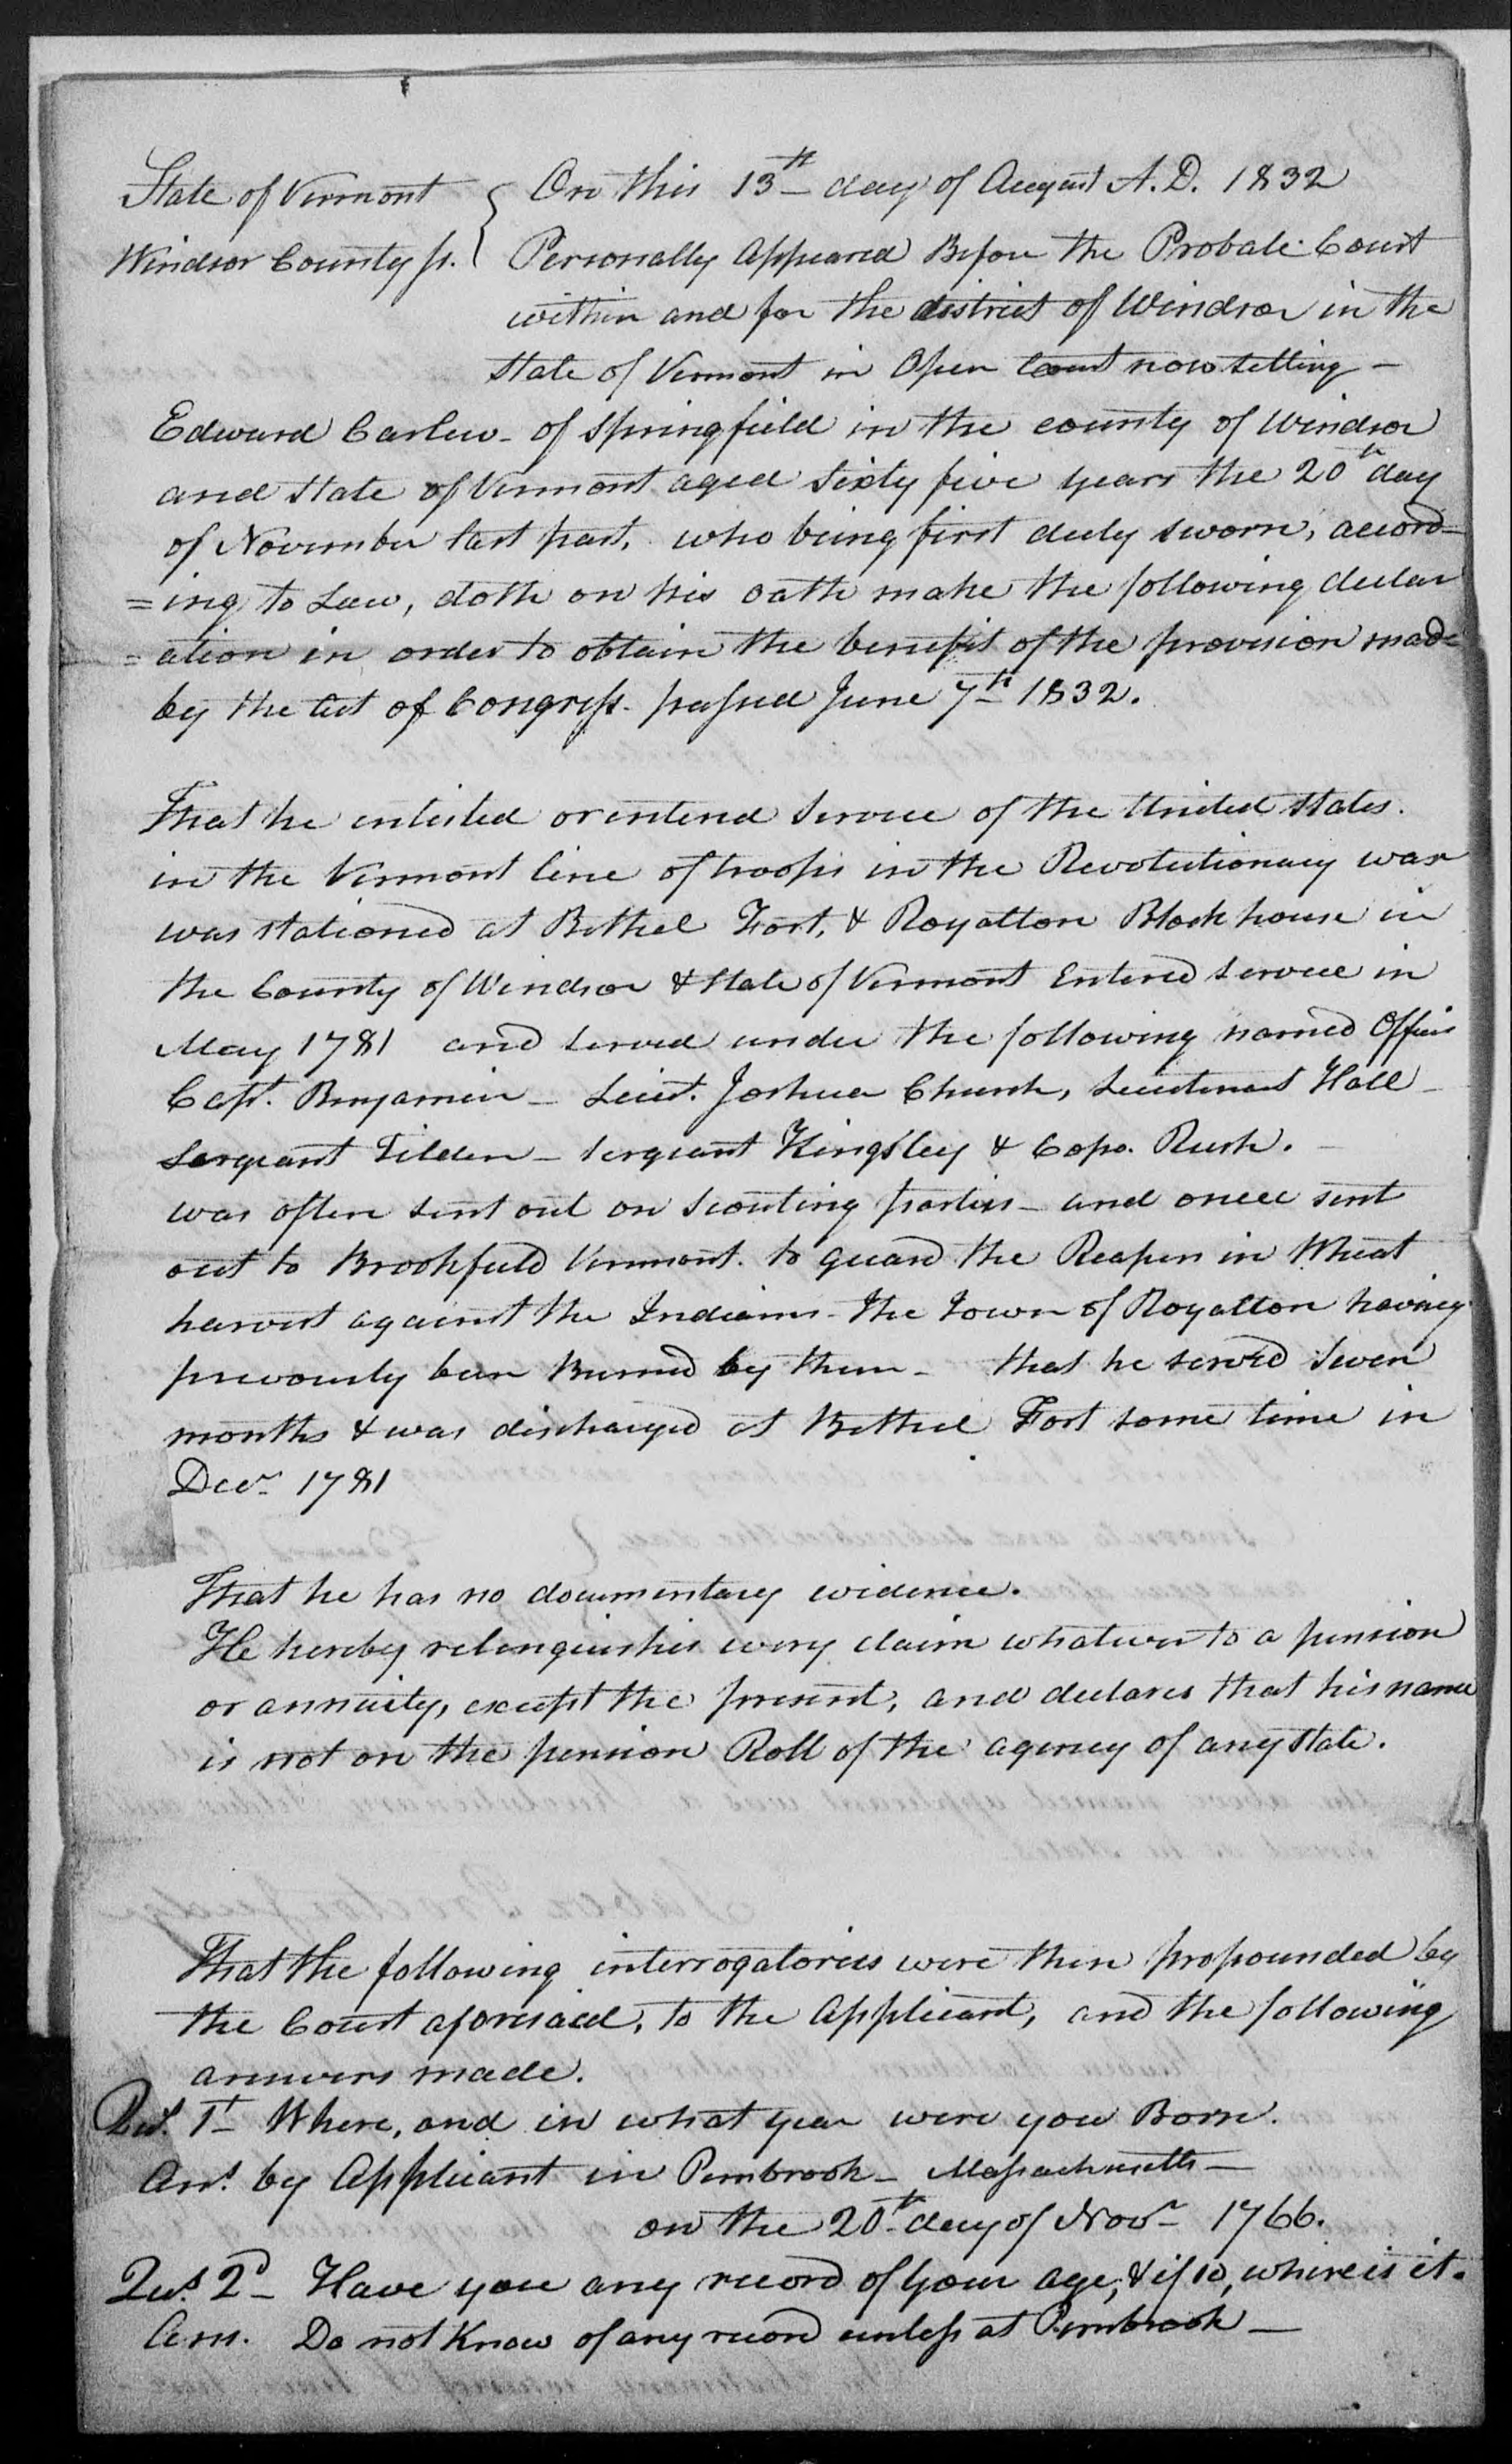State of Vermont
Windsor County ss} On this 13th day of August A.D. 1832 Personally appeared Before the Probate Court within and for the district of Windsor in the State of Vermont in Open Court now sitting - Edward Corlew of Springfield in the county of Windsor and State of Vermont aged Sixty five years the 20th day of November last part, who being first duly sworn, according to Law, doth on his oath make the following declaration in order to obtain the benefit of the provision made by the Act of Congress passed June 7th 1832.
That he enlisted or entered Service of the United States in the Vermont line of troops in the Revolutionary war was stationed at Bethel Fort, + Royalton Block house in the County of Windsor + State of Vermont entered service in May 1781 and served under the following named Officers Capt. Benjamin - Lieut Joshua Church, Lieutenant Hall - Sergeant Tilden - Sergeant Kingsley + Copo. Rush.
was often sent out on scouting parties - and once sent out to Brookfield Vermont to guard the Reapin in Wheat harvest against the Indians - the Town of Royalton having previously been burned by them - that he served Seven months + was discharged at Bethel Fort some time in Dec'r 1781
That he has no documentary evidence.
He hereby relinquishes every claim whatever to a pension or annuity, except the present; and declares that his name is not on the pension Roll of the agency of any state.

That the following interrogatories were then propounded by the Court aforesaid, to the Applicant, and the following answers made.
Qu'n 1st - Where, and in what year were you Born. Ans'd. by Applicant in Pembrook - Massachusetts - on the 20th day of Nov'r - 1766.
Qu'n 2d - Have you any record of your age, + if so, where is it.
Ans. Do not know of any record unless at Pembrook -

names: Benjamin, Rush, Kingsley, Tilden, Edward Corlew, Hall, Joshua Church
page: 4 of 18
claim: survivor's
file: S. 21,702, Edward Corlew, Vt.